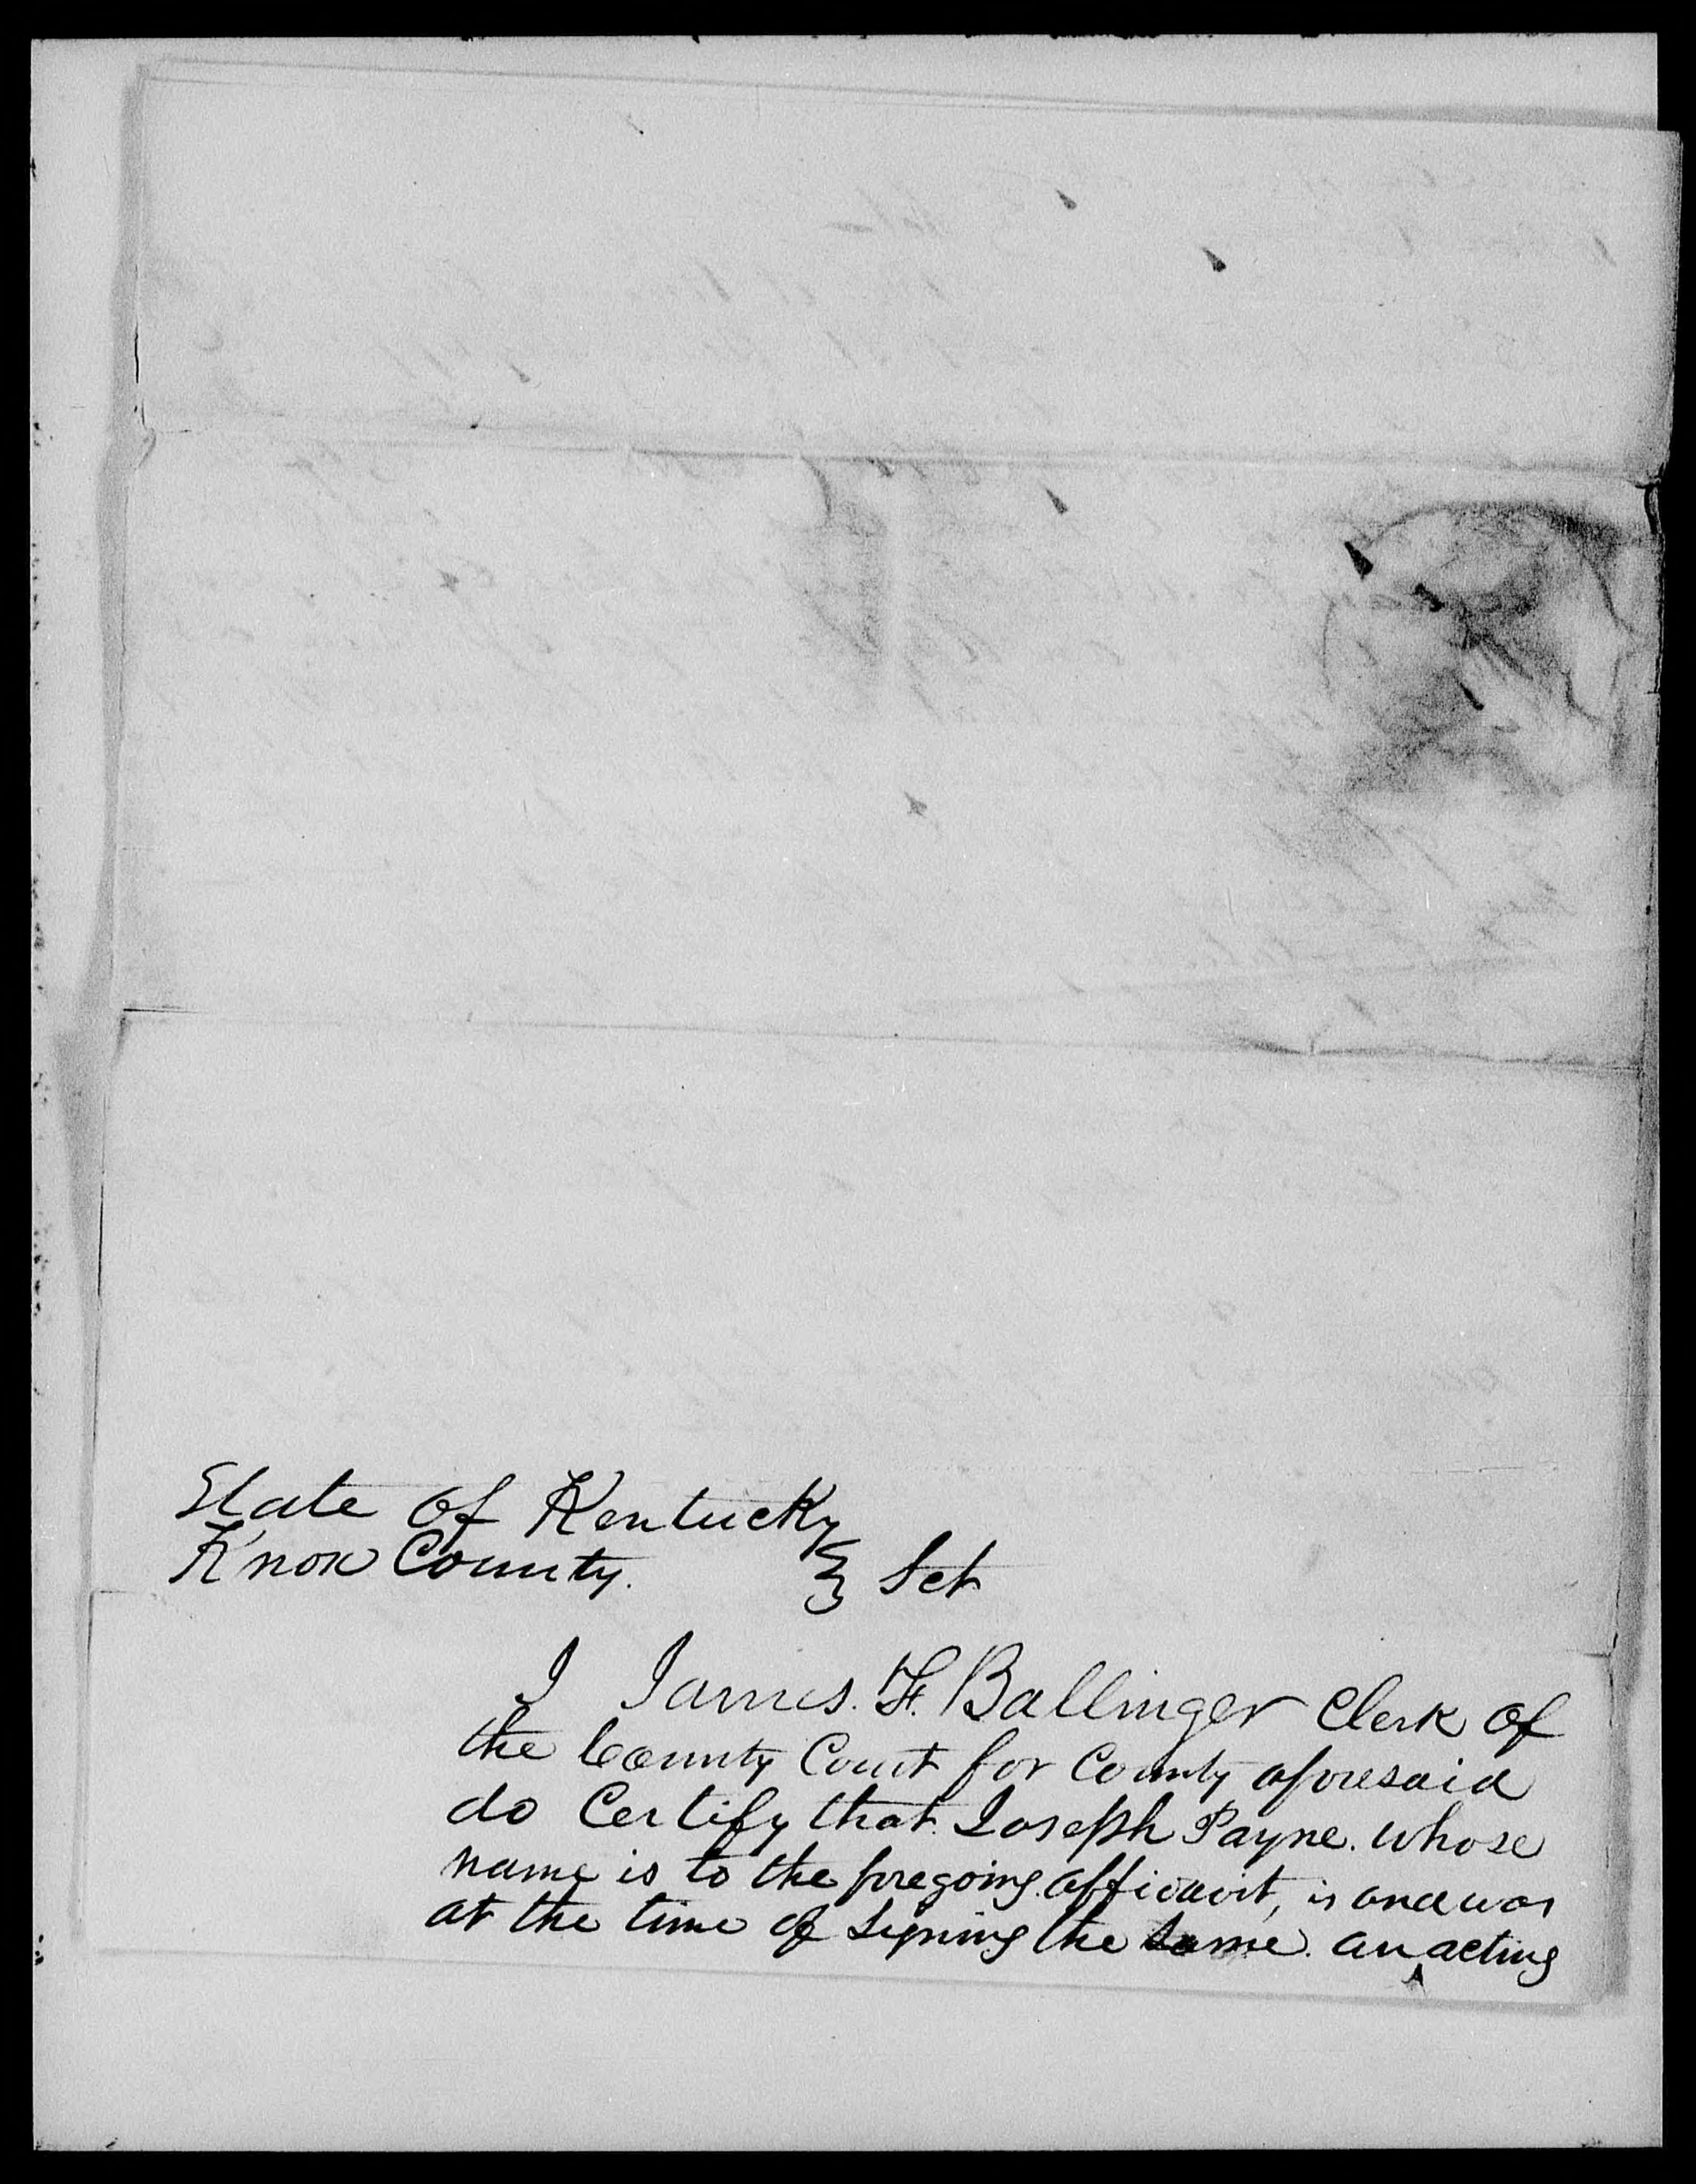State of Kentucky Knox County
I James F. Ballinger Clerk of
the County Court for County aforesaid
do certify that Joseph Payne whose
name is to the foregoing affidavit, is and was at the time of signing the same an acting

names: James F Ballinger; Joseph Payne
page: 31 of 43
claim: rejected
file: R. 8217, for Thomas Philpot, South Carolina